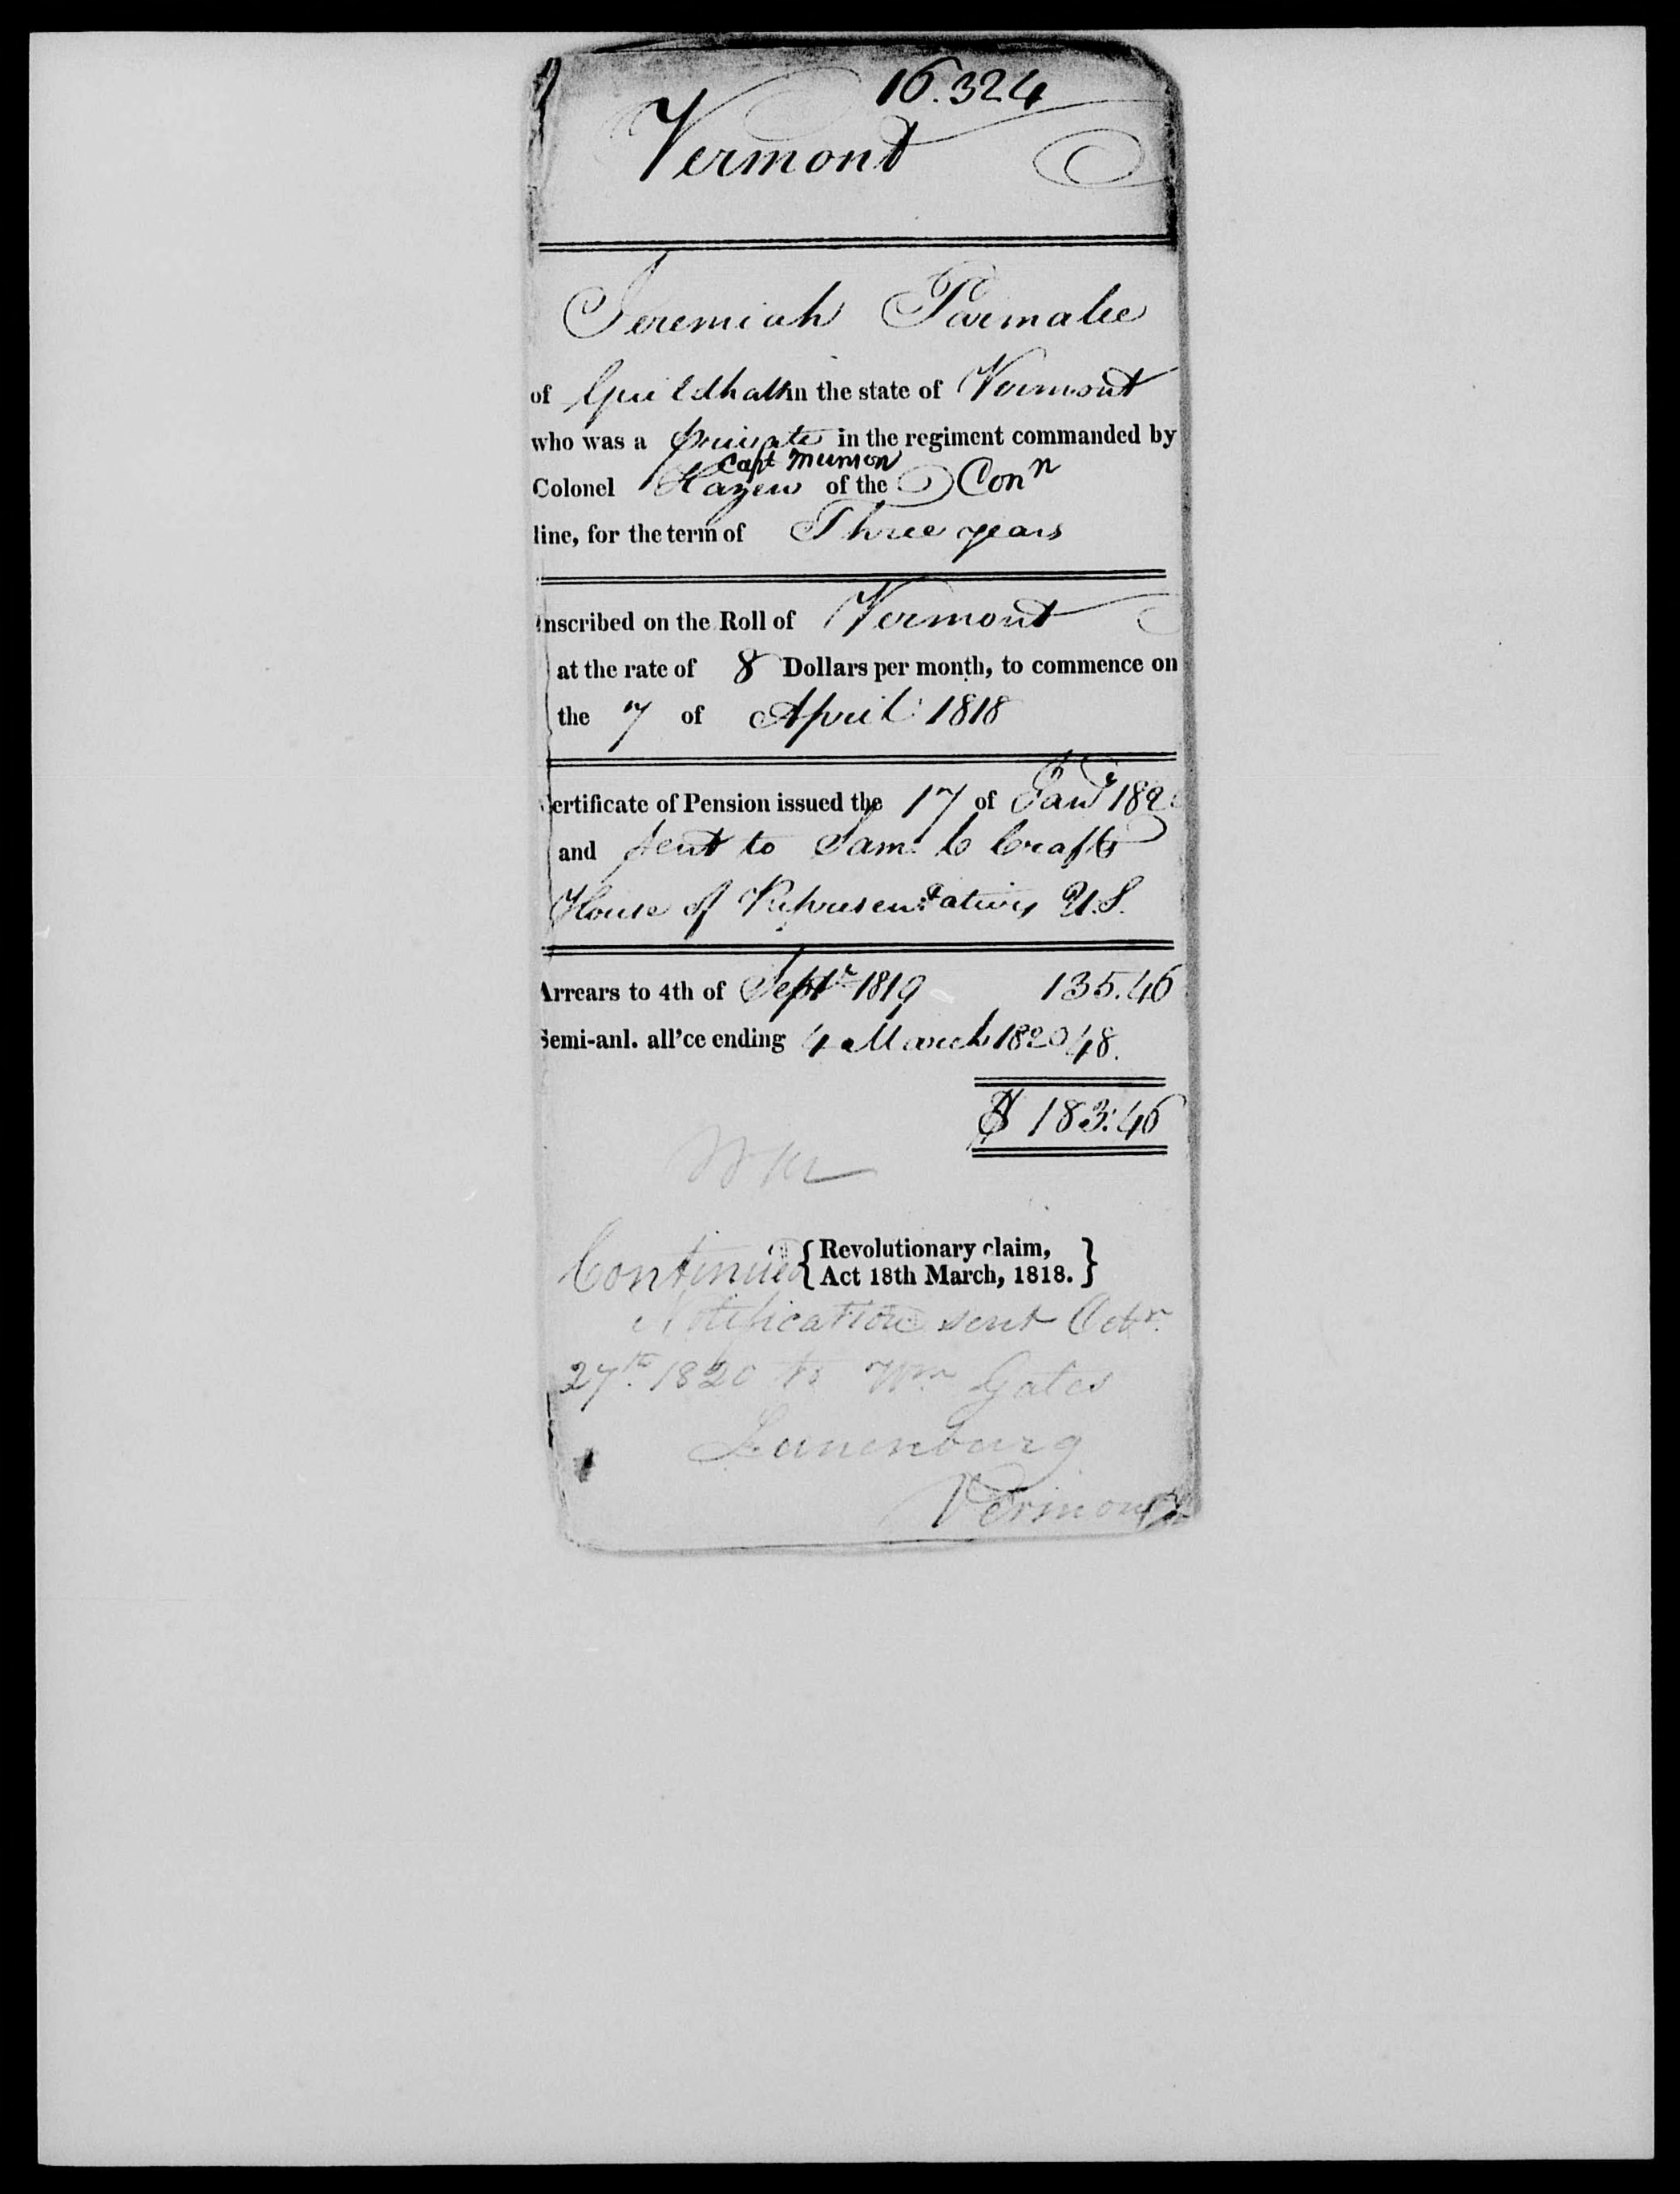16.324
Vermont
Jeremiah Parmalee
Of Guildhall in the state of Vermont
Who was a private in the regiment commanded 
          Capt Mumon
by Colonel Hazen of the Conn
Line, for the term of Three years
Inscribed on the Roll of Vermont
At the rate of 8 Dollars per month, to commence on
the 7 of April 1818
Certificate of Pension issued the 17 of Jan 1820
and Sent to Sam C Crafts
House of Representatives U.S.
Arrears to 4th of Sept 1819  135.46
Semi-anl. all’ce ending [_all] week1820 48.
[M—] $183.46
Continued{Revolutionary claim,1818.}
Notification sent Octr.
24th. 1820 to Wm. Gates
Lunenburg
Vermont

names: Wm Gates; Sam C Crafts; [BLANK] Hazen; Jeremiah Parmalee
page: 2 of 11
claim: survivor's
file: S. 41,048, for Jeremiah Parmalee, Connecticut